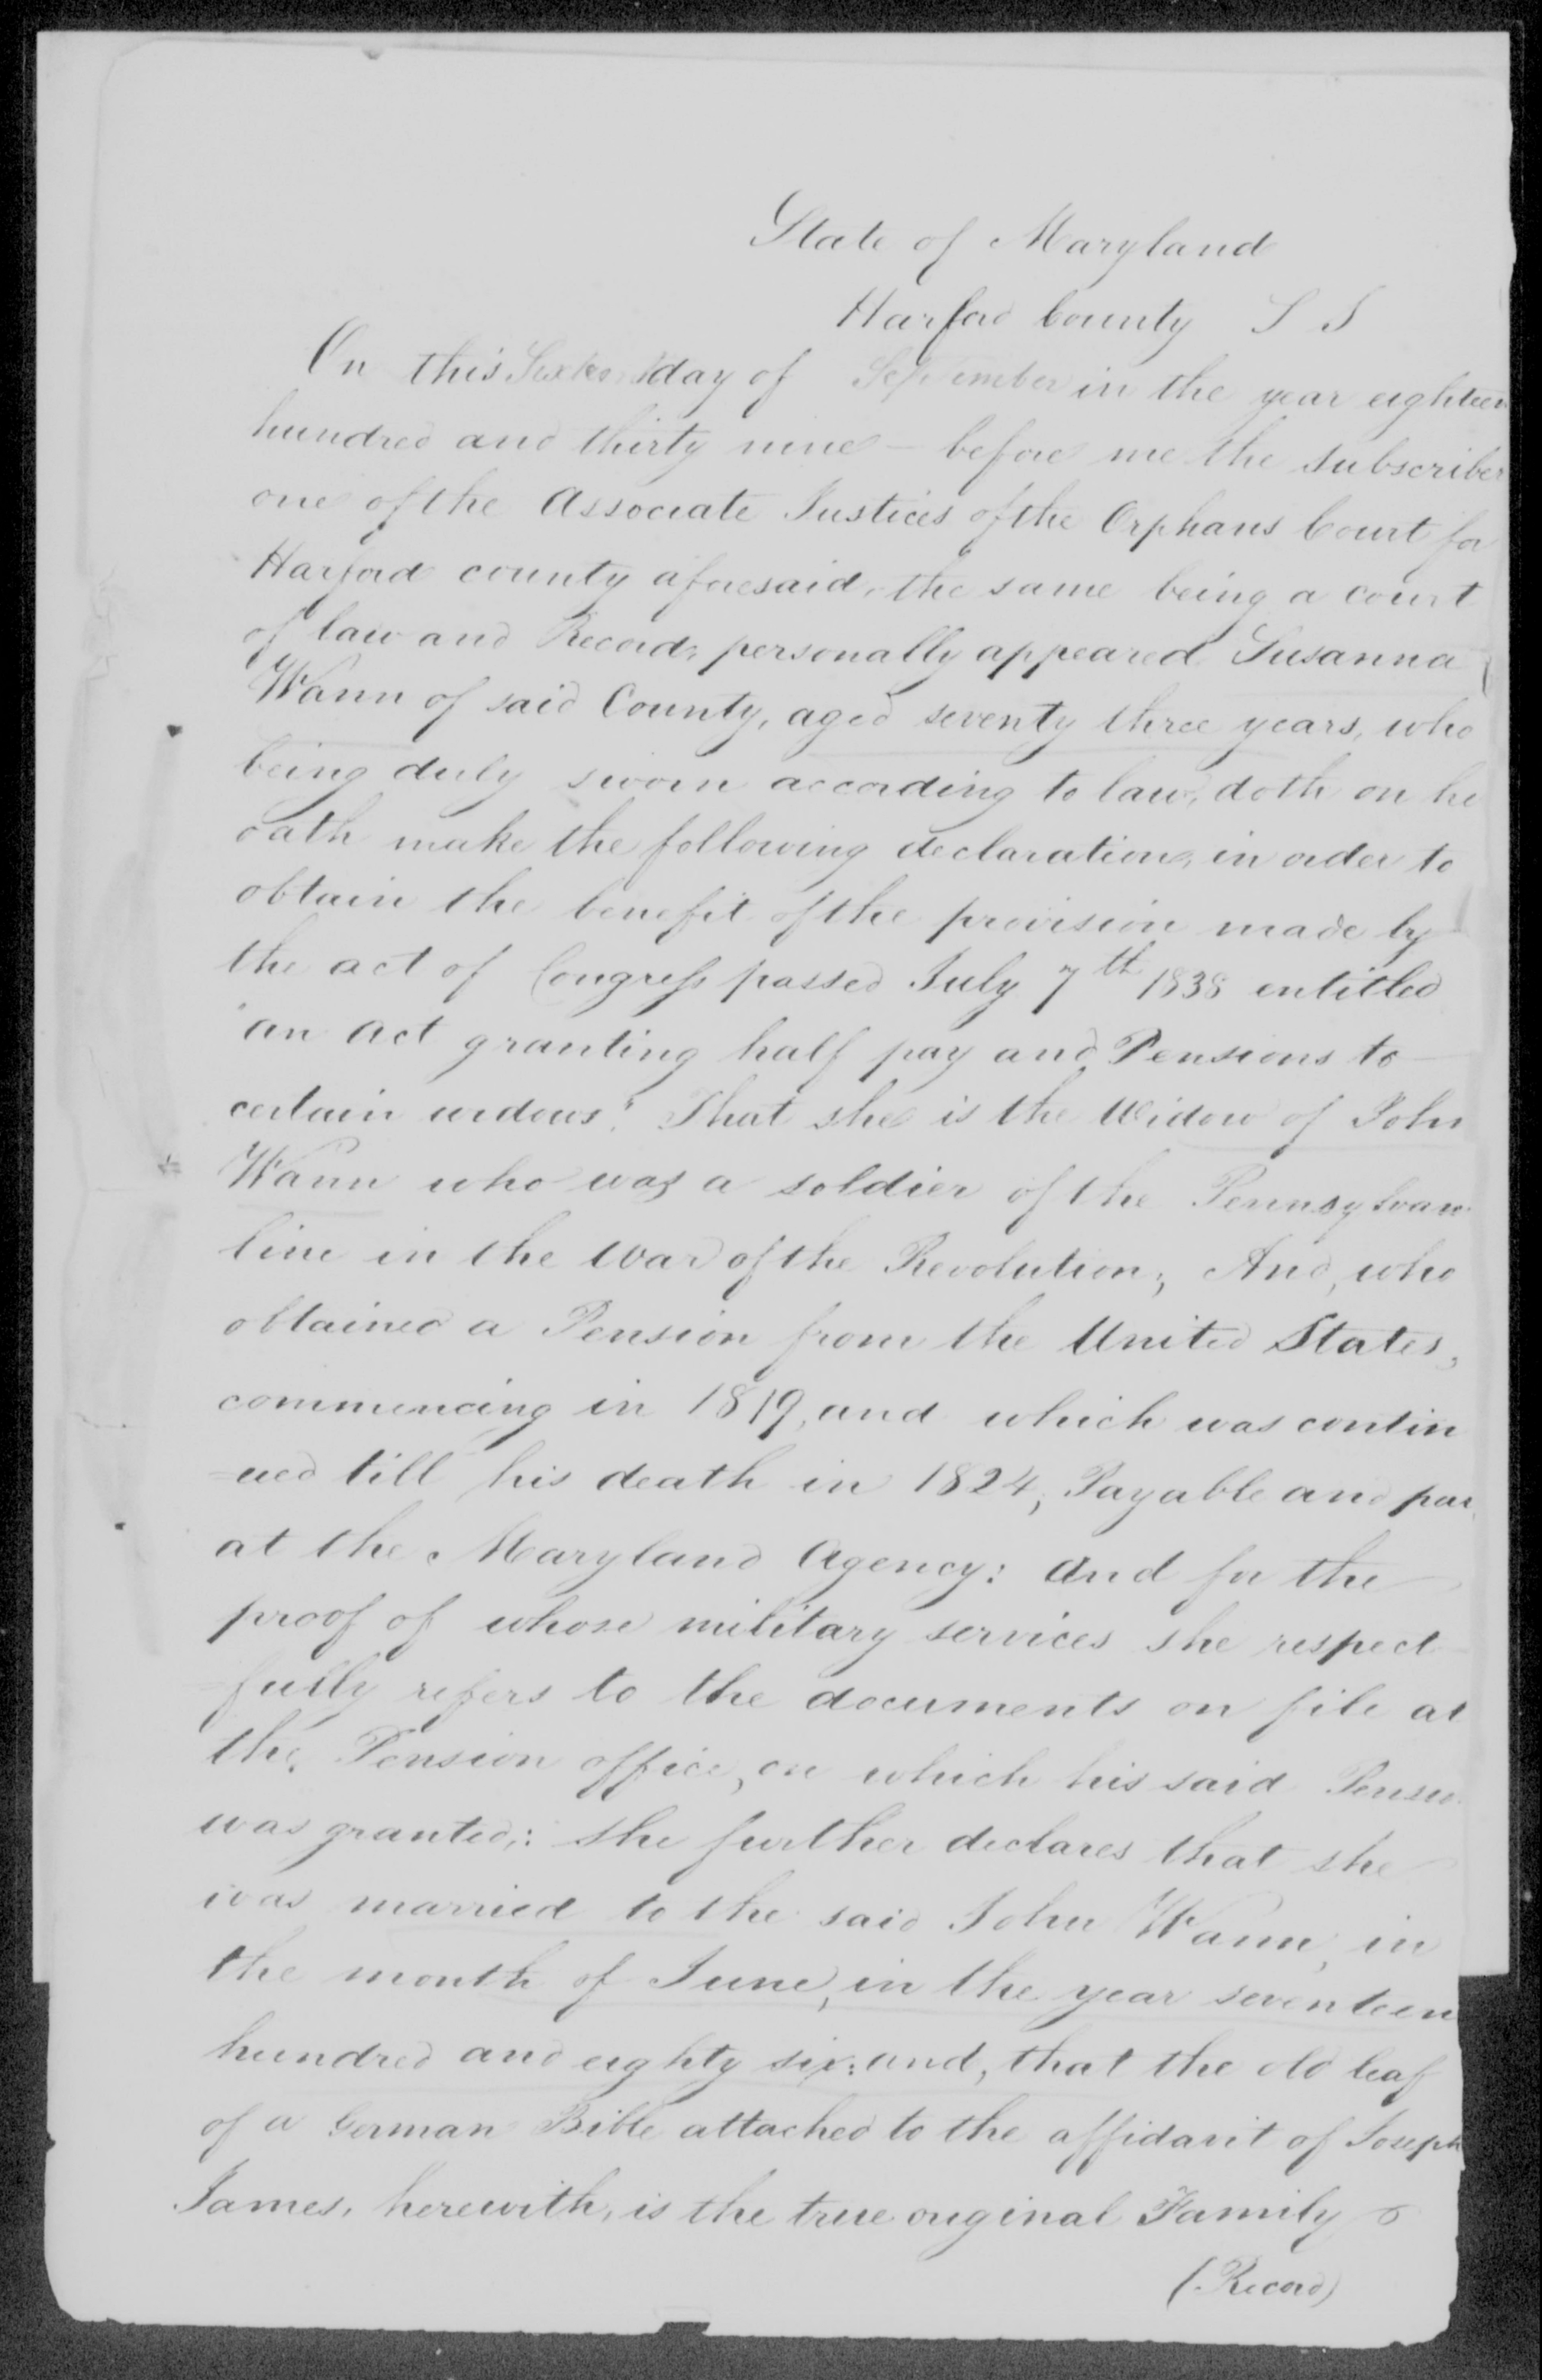State of Maryland
Harford County
On this Sixteenth day of September in the year eighteen hundred and thirty nine before me the subscriber one of the Associate Justices of the Orphans Court for
Harford County aforesaid, the same being a court of law and Record personally appeared Susanna Wann of said County, aged seventy three years, who being duly sworn according to law, doth on he oath make the following declaration, in order to
obtain the benefit of the provision made by the act of Congress passed July 7th 1838 entitled an act granting half pay and Pensions to certain widows. That she is the widow of John Wann who was a soldier of the Pennsylvan [Pennsylvania] line in the War of the Revolution; And, who obtained a Pension from the United States commencing in 1819, and which was continued till his death in 1824, Payable and par at the Maryland Agency: And for the proof of whose military services the respectfully refers to the documents on file at the Pension office, on which his said Pension was granted. She further declares that she was married to the said John Wan, in the month of June, in the year seventeen
hundred and eighty six; and, that the old leaf of a German Bible attached to the affidavit of Joseph James, herewith, is the true original Family &
(Record)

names: Susanna Wann, John Wann, Joseph James, John Wann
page: 9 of 38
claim: widow's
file: W. 3899, John Wann, Penn.